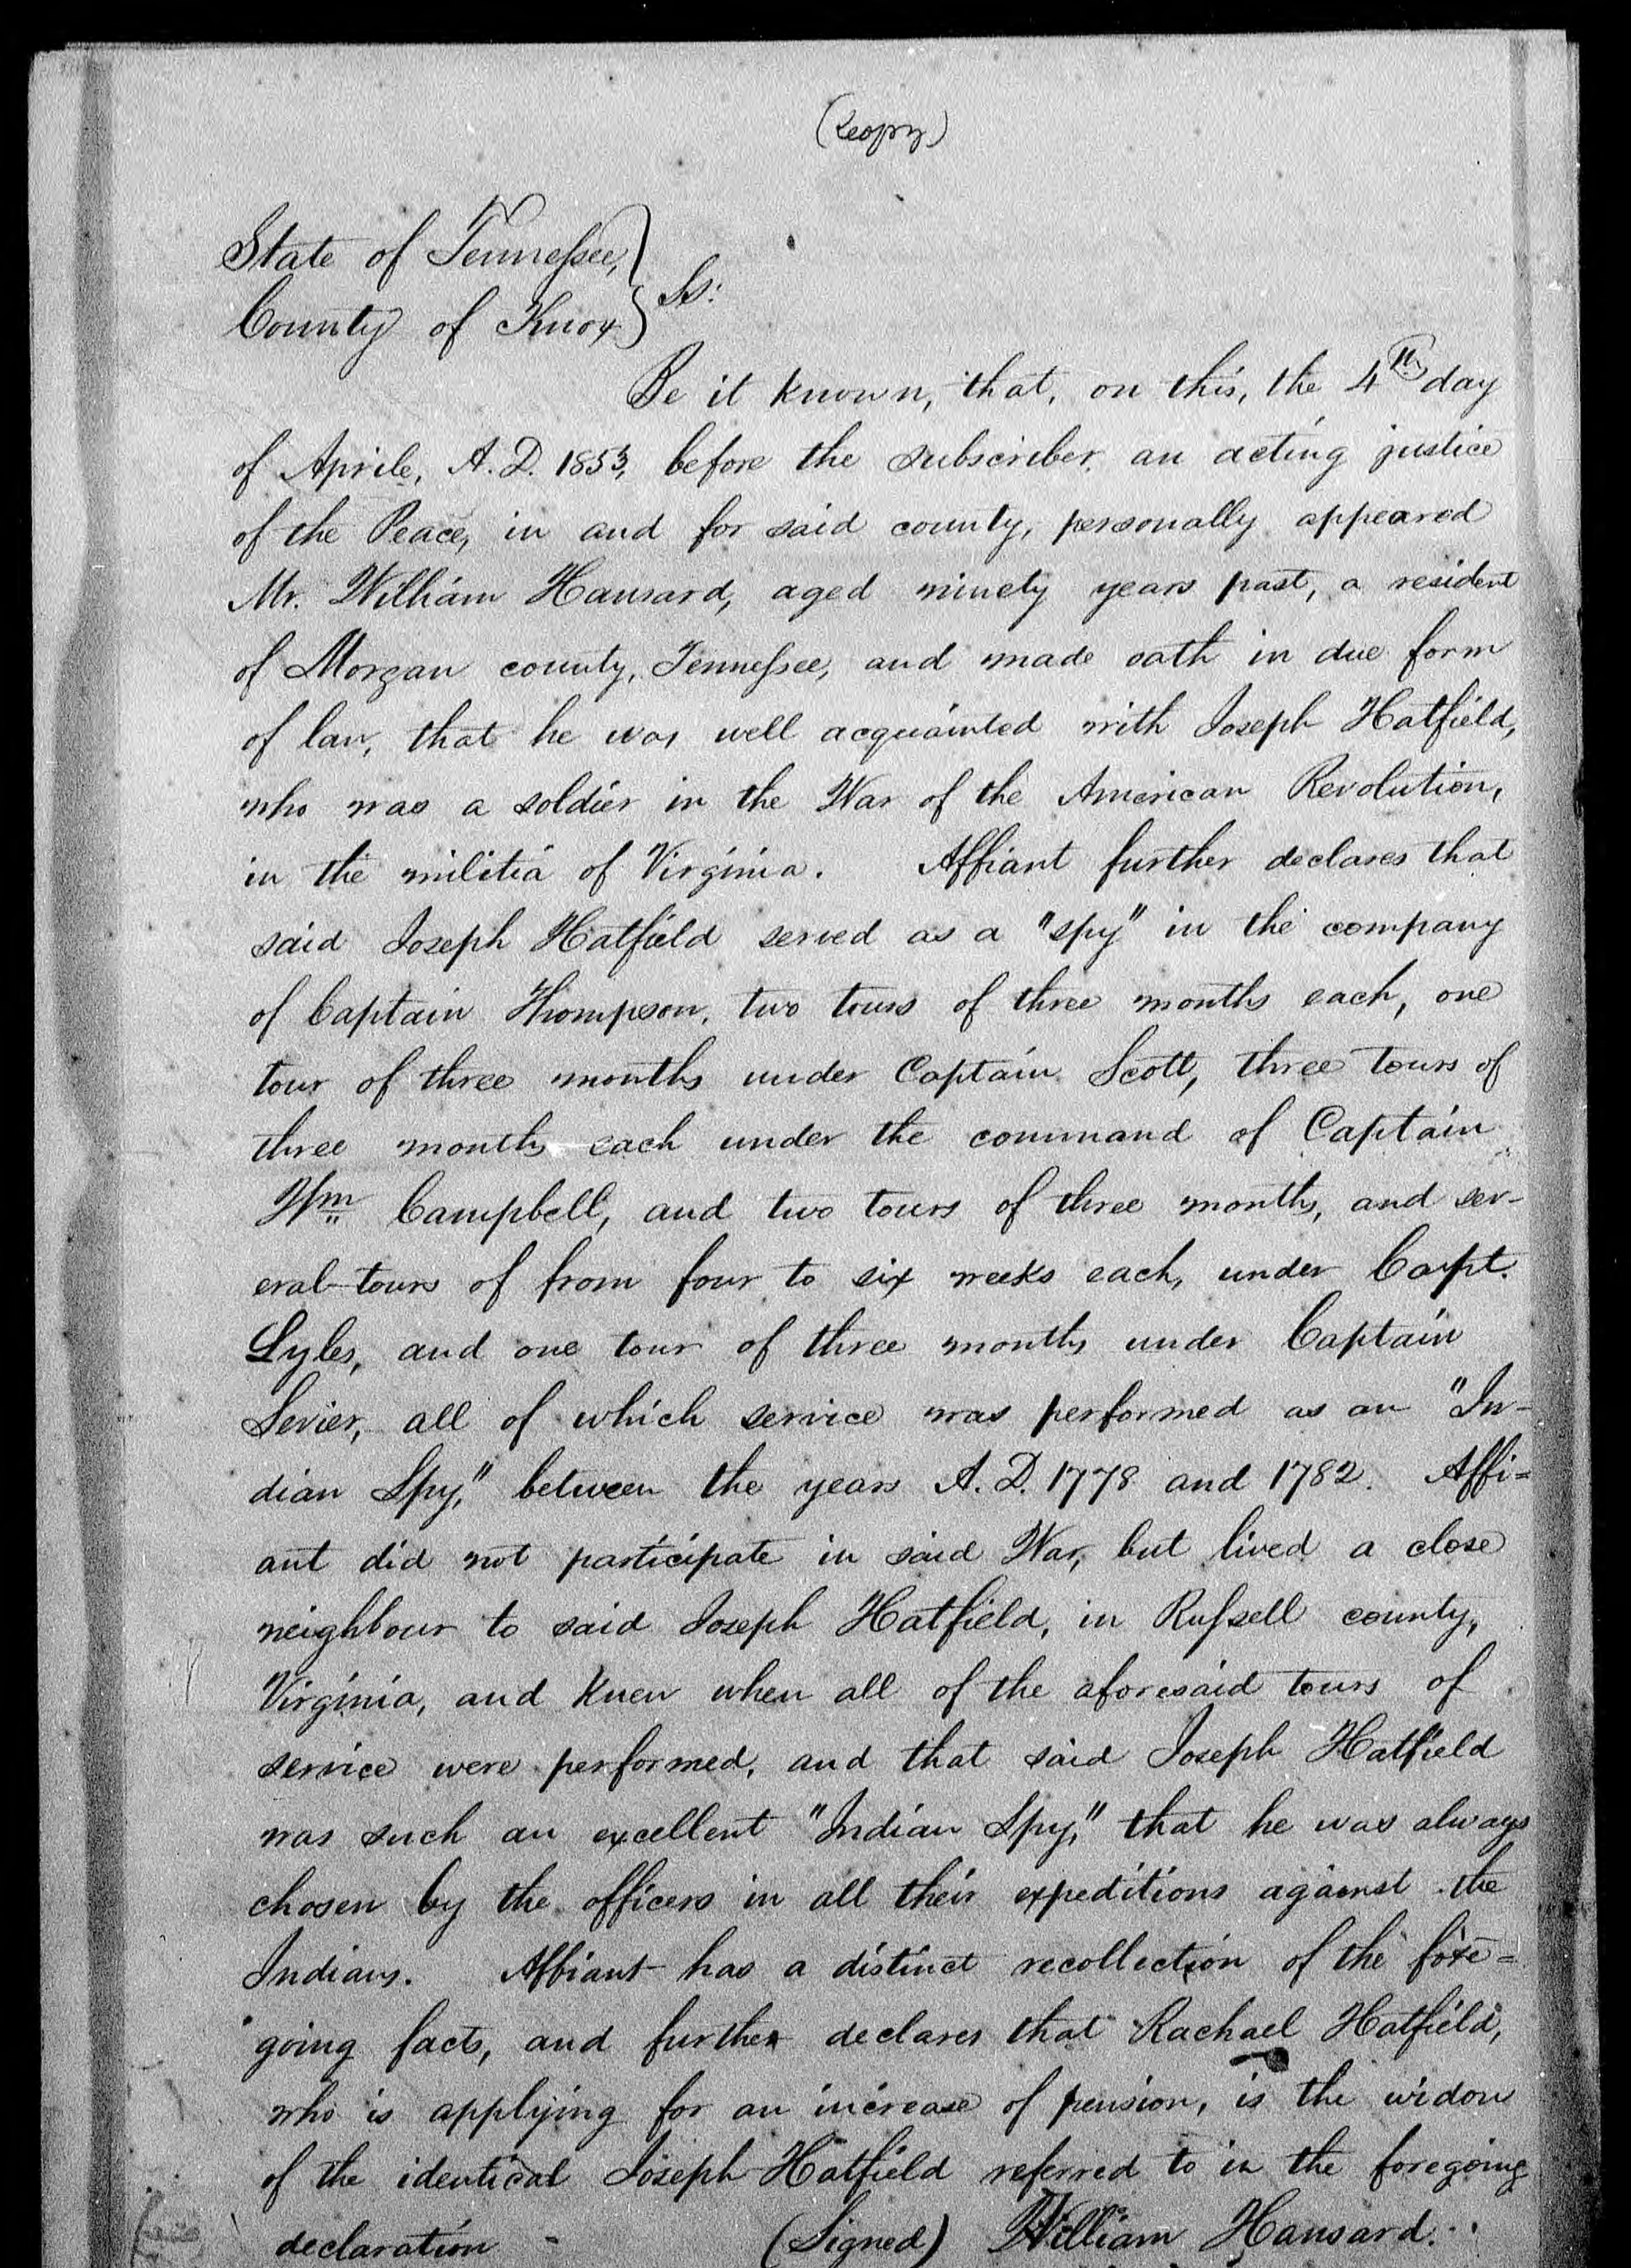(Copy)

State of Tennessee}
County of Knox} SS:
Be it known, that, on this, the 4th day
of April, A.D. 1853, before the subscriber, an acting justice of the Peace, in and for said county, personally appeared Mr. William Hansard, aged ninety years past, a resident of Morgan county, Tennessee, and made oath in due form of law, that he was well acquainted with Joseph Hatfield, who was a soldier in the War of the American Revolution, in the militia of Virginia. Affiant further declares that said Joseph Hatfield, served as a "spy" in the company of Captain Thompson, two tours of three months each, one tour of three months under Captain Scott, three tours of three months each under the command of Captain Wm. Campbell, and two tours of three months, and several tours of from four to six weeks each, under Capt. Lyles and one tour of three months under Captain Sevier, all of which service was performed as an "Indian Spy", between the years A.D. 1778 and 1782. Affiant did not participate in said War, but lived a close neighbour to said Joseph Hatfield, in Russell County, Virginia, and knew when all of the aforesaid tours of service were performed, and that said Joseph Hatfield was such an excellent "Indian Spy," that he was always chosen by the officers in all their expeditions against the Indians. Affiant has a distinct recollection of the foregoing facts, and further declares that Rachel Hatfield, who is applying for an increase of pension, is the widow of the identical Joseph Hatfield referred to in the foregoing declaration (Signed) William Hansard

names: Scott, William Hansard, William Hansard, Joseph Hatfield, Joseph Hatfield, Sevier, Joseph Hatfield, Thompson, Rachael Hatfield, Wm Campbell, Joseph Hatfield, Joseph Hatfield, Lyles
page: 42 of 74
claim: widow's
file: W. 5, Joseph Hatfield, Va.